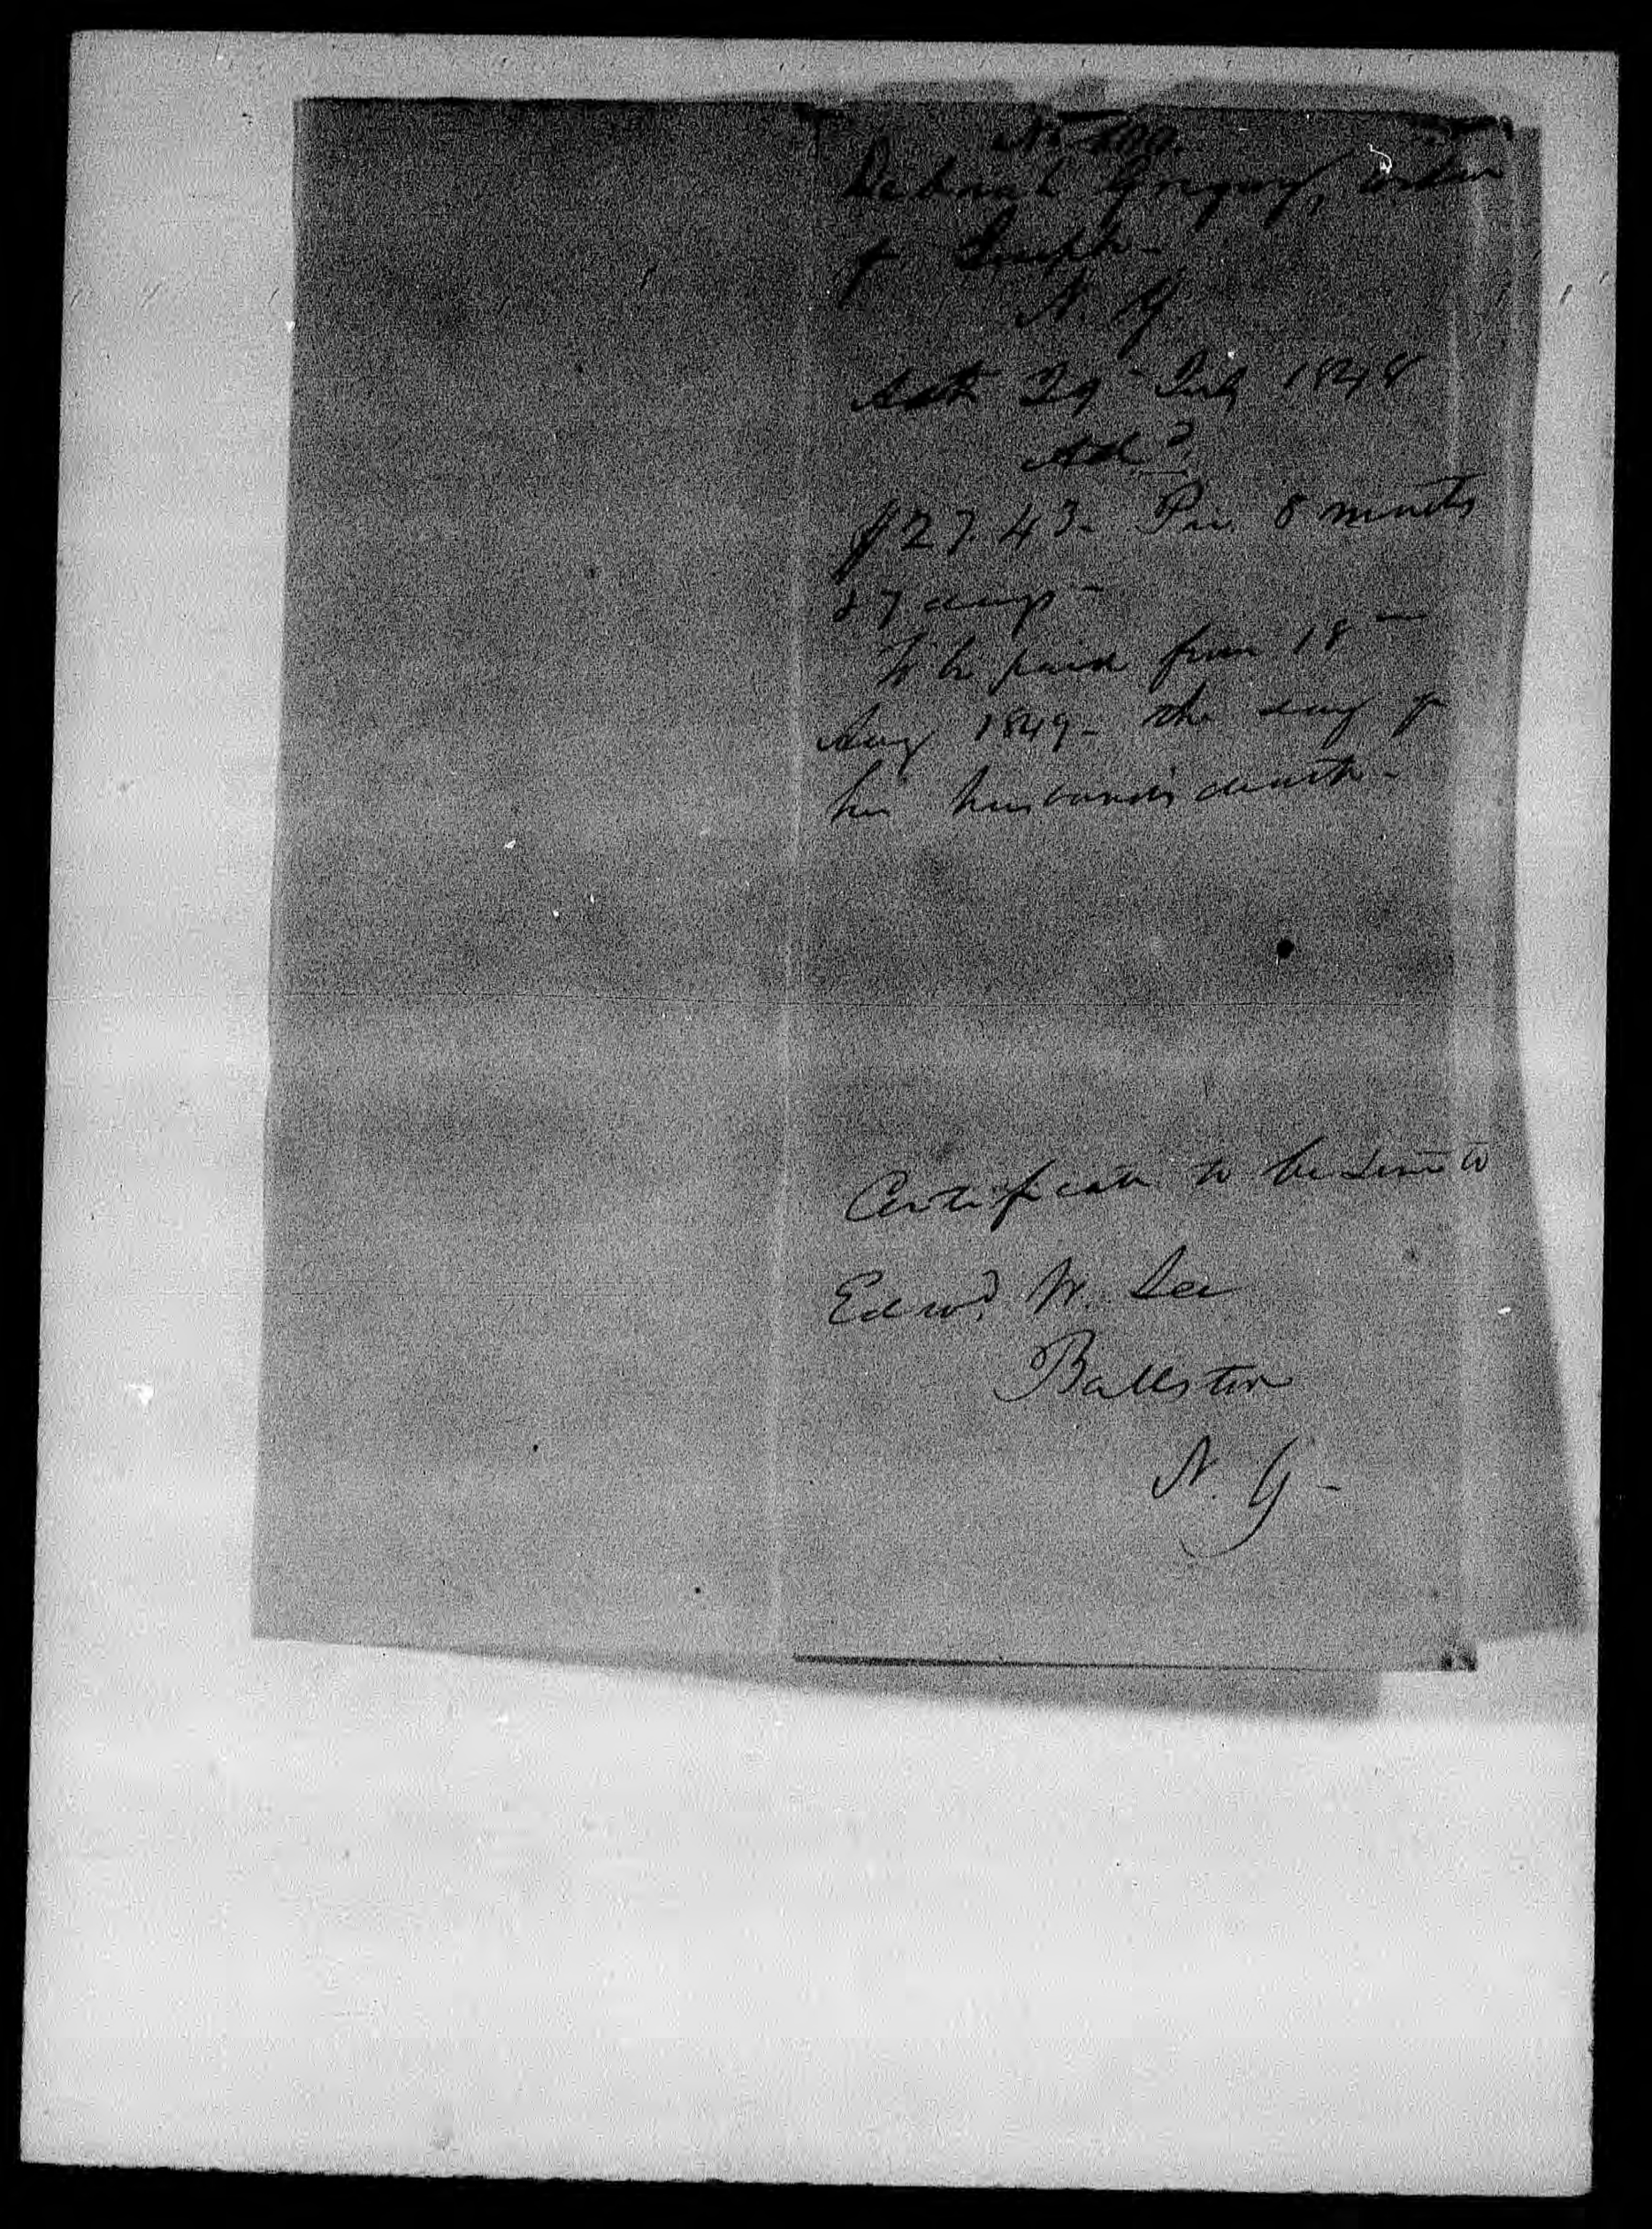No 100
Deborah Gregory, widow
of Joseph -
    N.Y.
Act 29 July 1848
[illegible]
$ 27.43       Pri     8 months
& 7 days -
   To be paid from 18" 
Aug 1849 - the day of 
her husband's death

Certificate to be sent to 
              Edwd. W. Lee
                    Ballston
                           N.Y.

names: Joseph Gregory, Deborah Gregory, Edwd W Lee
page: 17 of 34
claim: widow's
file: W. 1596, Joseph Gregory, Conn.